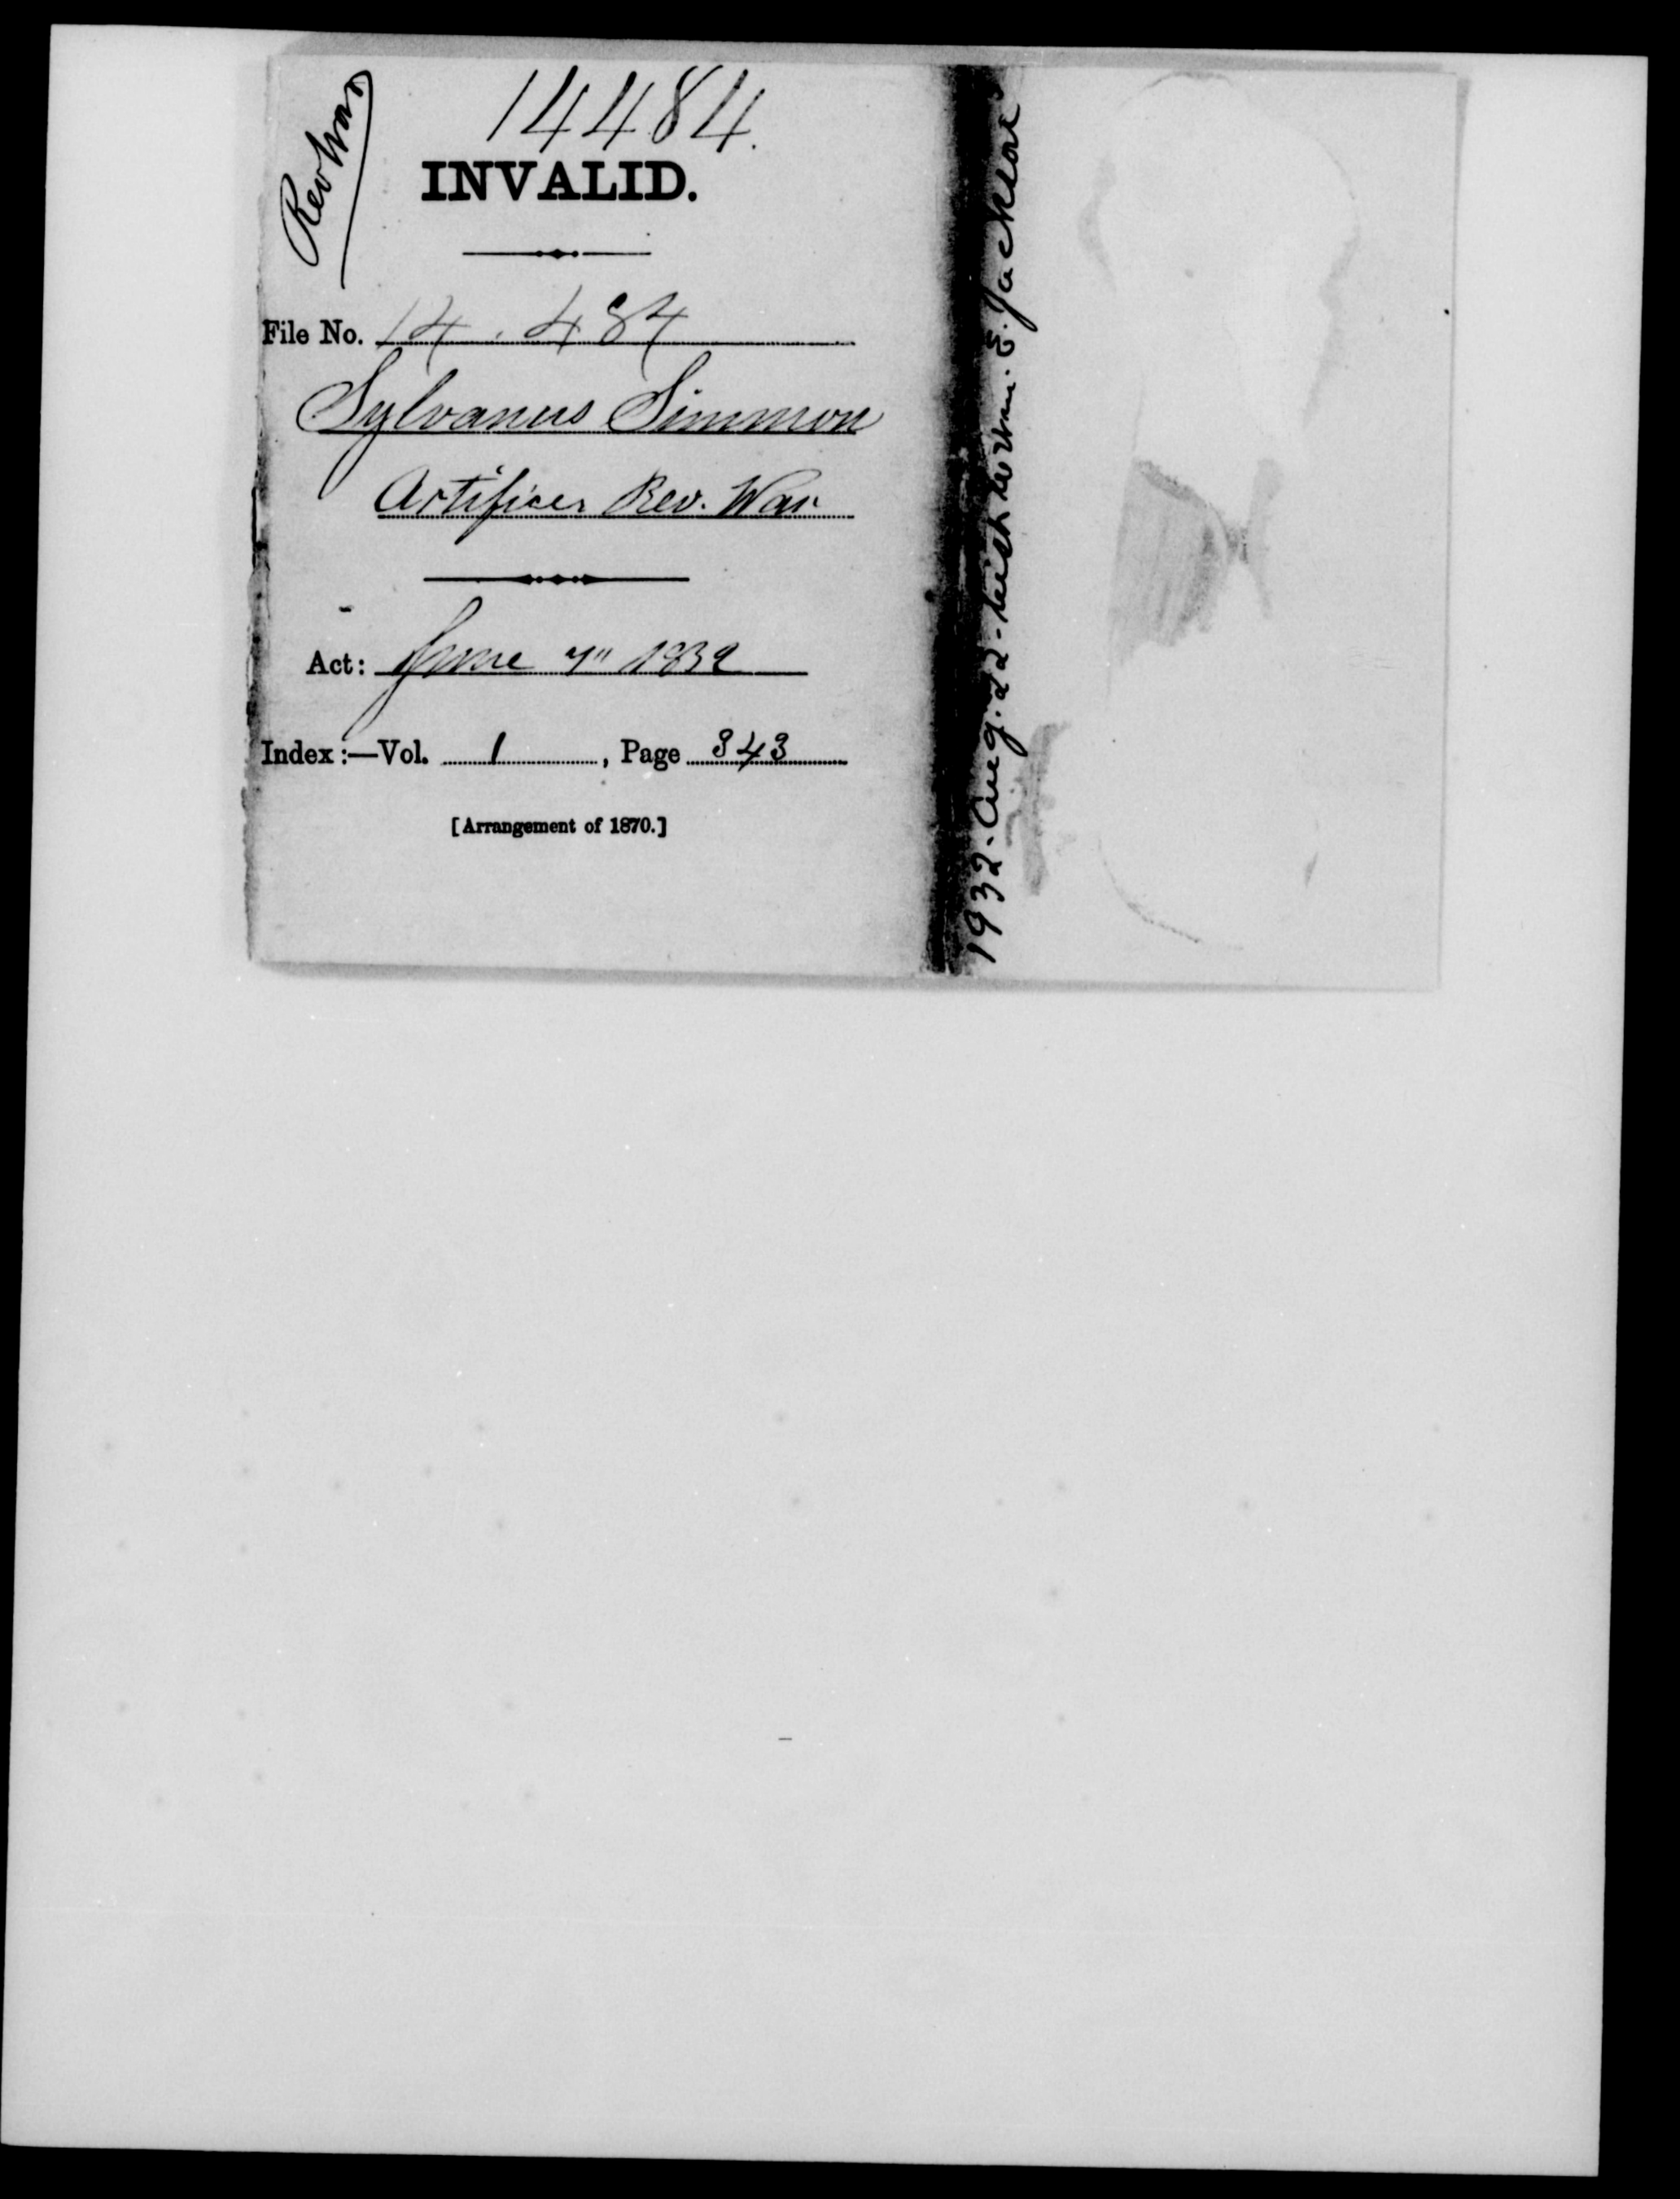14484
INVALID.
Rev War
---
File No. 14.484
Sylvanus Simmon
Artificer Rev. War
-
Act: June 7, 1832
Index: --Vol. 1, Page 343
{Arrangement of 1870.}
---
1932 Aug 22
[illegible]
E. Jackson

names: Sylvanus Simmon; Wm E Jackson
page: 18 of 31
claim: survivor's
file: S. 14484, for Sylvanus Simmons, New York